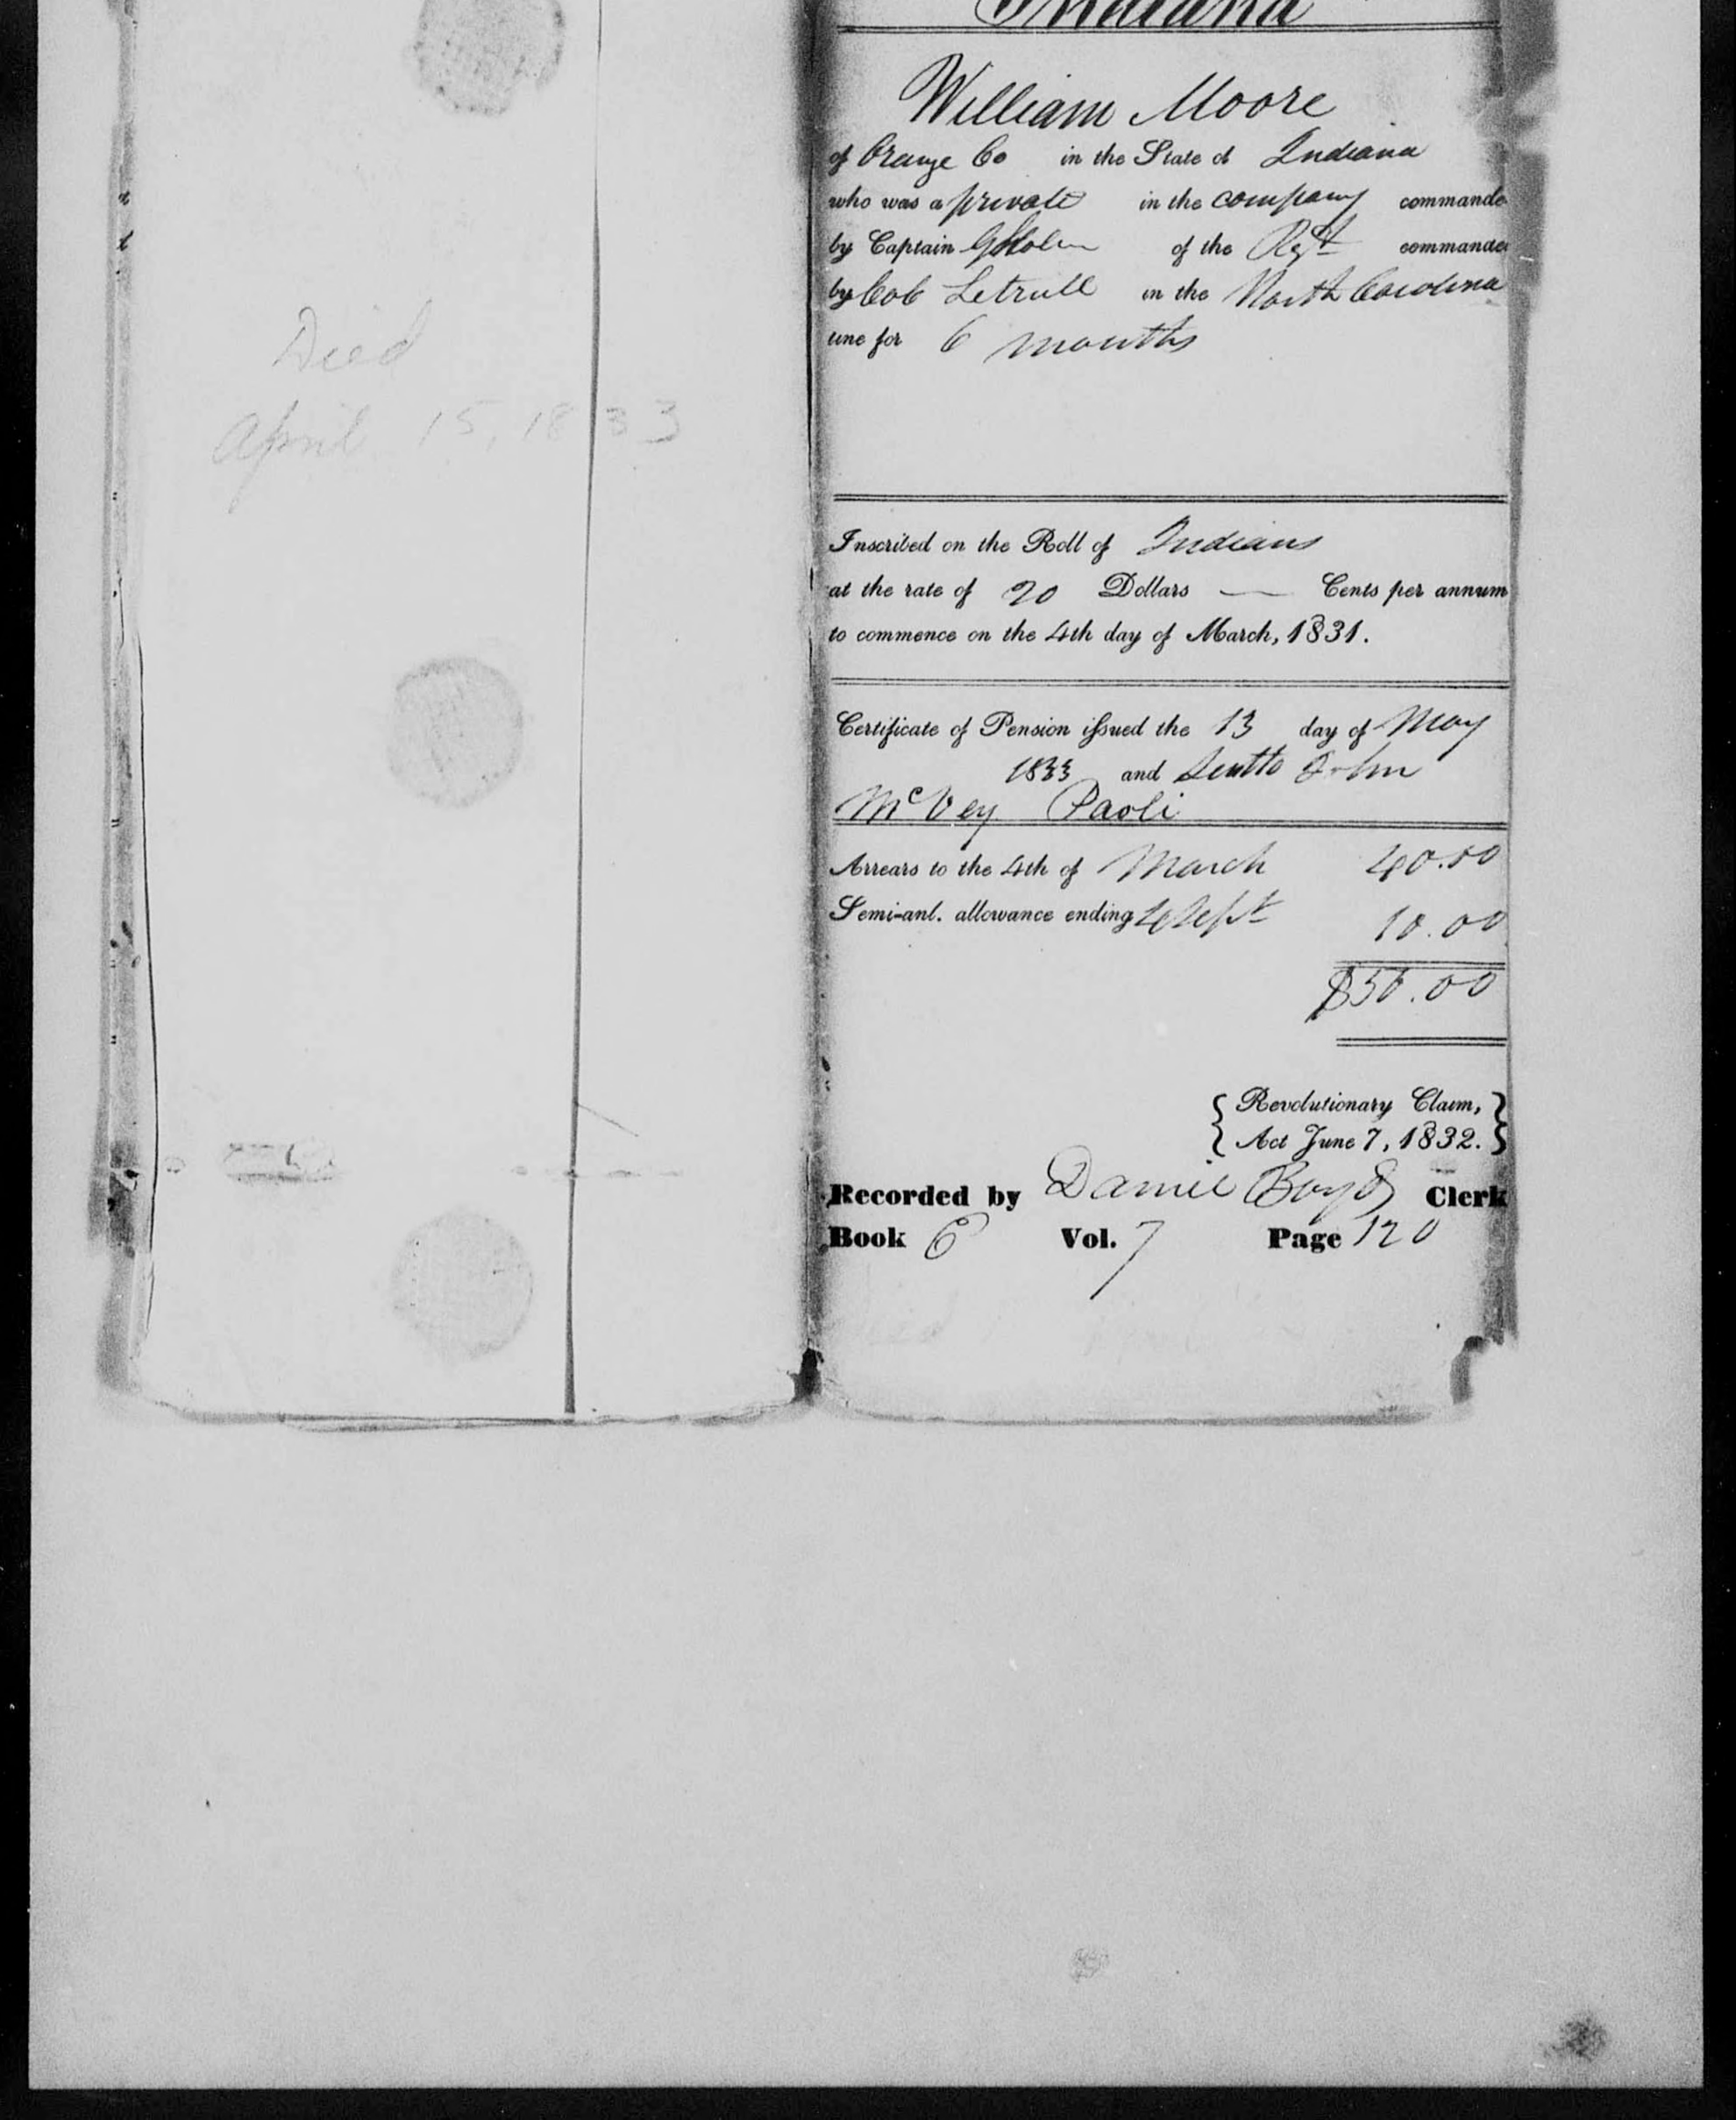INDIANA
William Moore
of Orange Co. in the State of Indiana who was a private in the company commanded by Captain Gholson of the Regt commanded by Col Letrull in the North Carolina line for 6 months

Inscribed on the Roll of Indiana at the rate of 20 Dollars -- Cents per annum to commence on the 4th day of March, 1831.

Certificate of Pension issued the 13 day of May 1833 and Sent to John McVey Paoli

Arrears to the 4th of March                      40.00
Semi-anl. allowance ending 4 Sept           10.00

                                 $50

{Revolutionary Claim, Act June 7, 1832.}
Recorded by Daniel Boyd Clerk
Book E  Vol. 7  Page 120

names: Daniel Boyd; [BLANK] Letrull; William Moore; [BLANK] Gholson; John Mc Vey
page: 2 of 16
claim: survivor's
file: S. 17,592, for William Moore, North Carolina